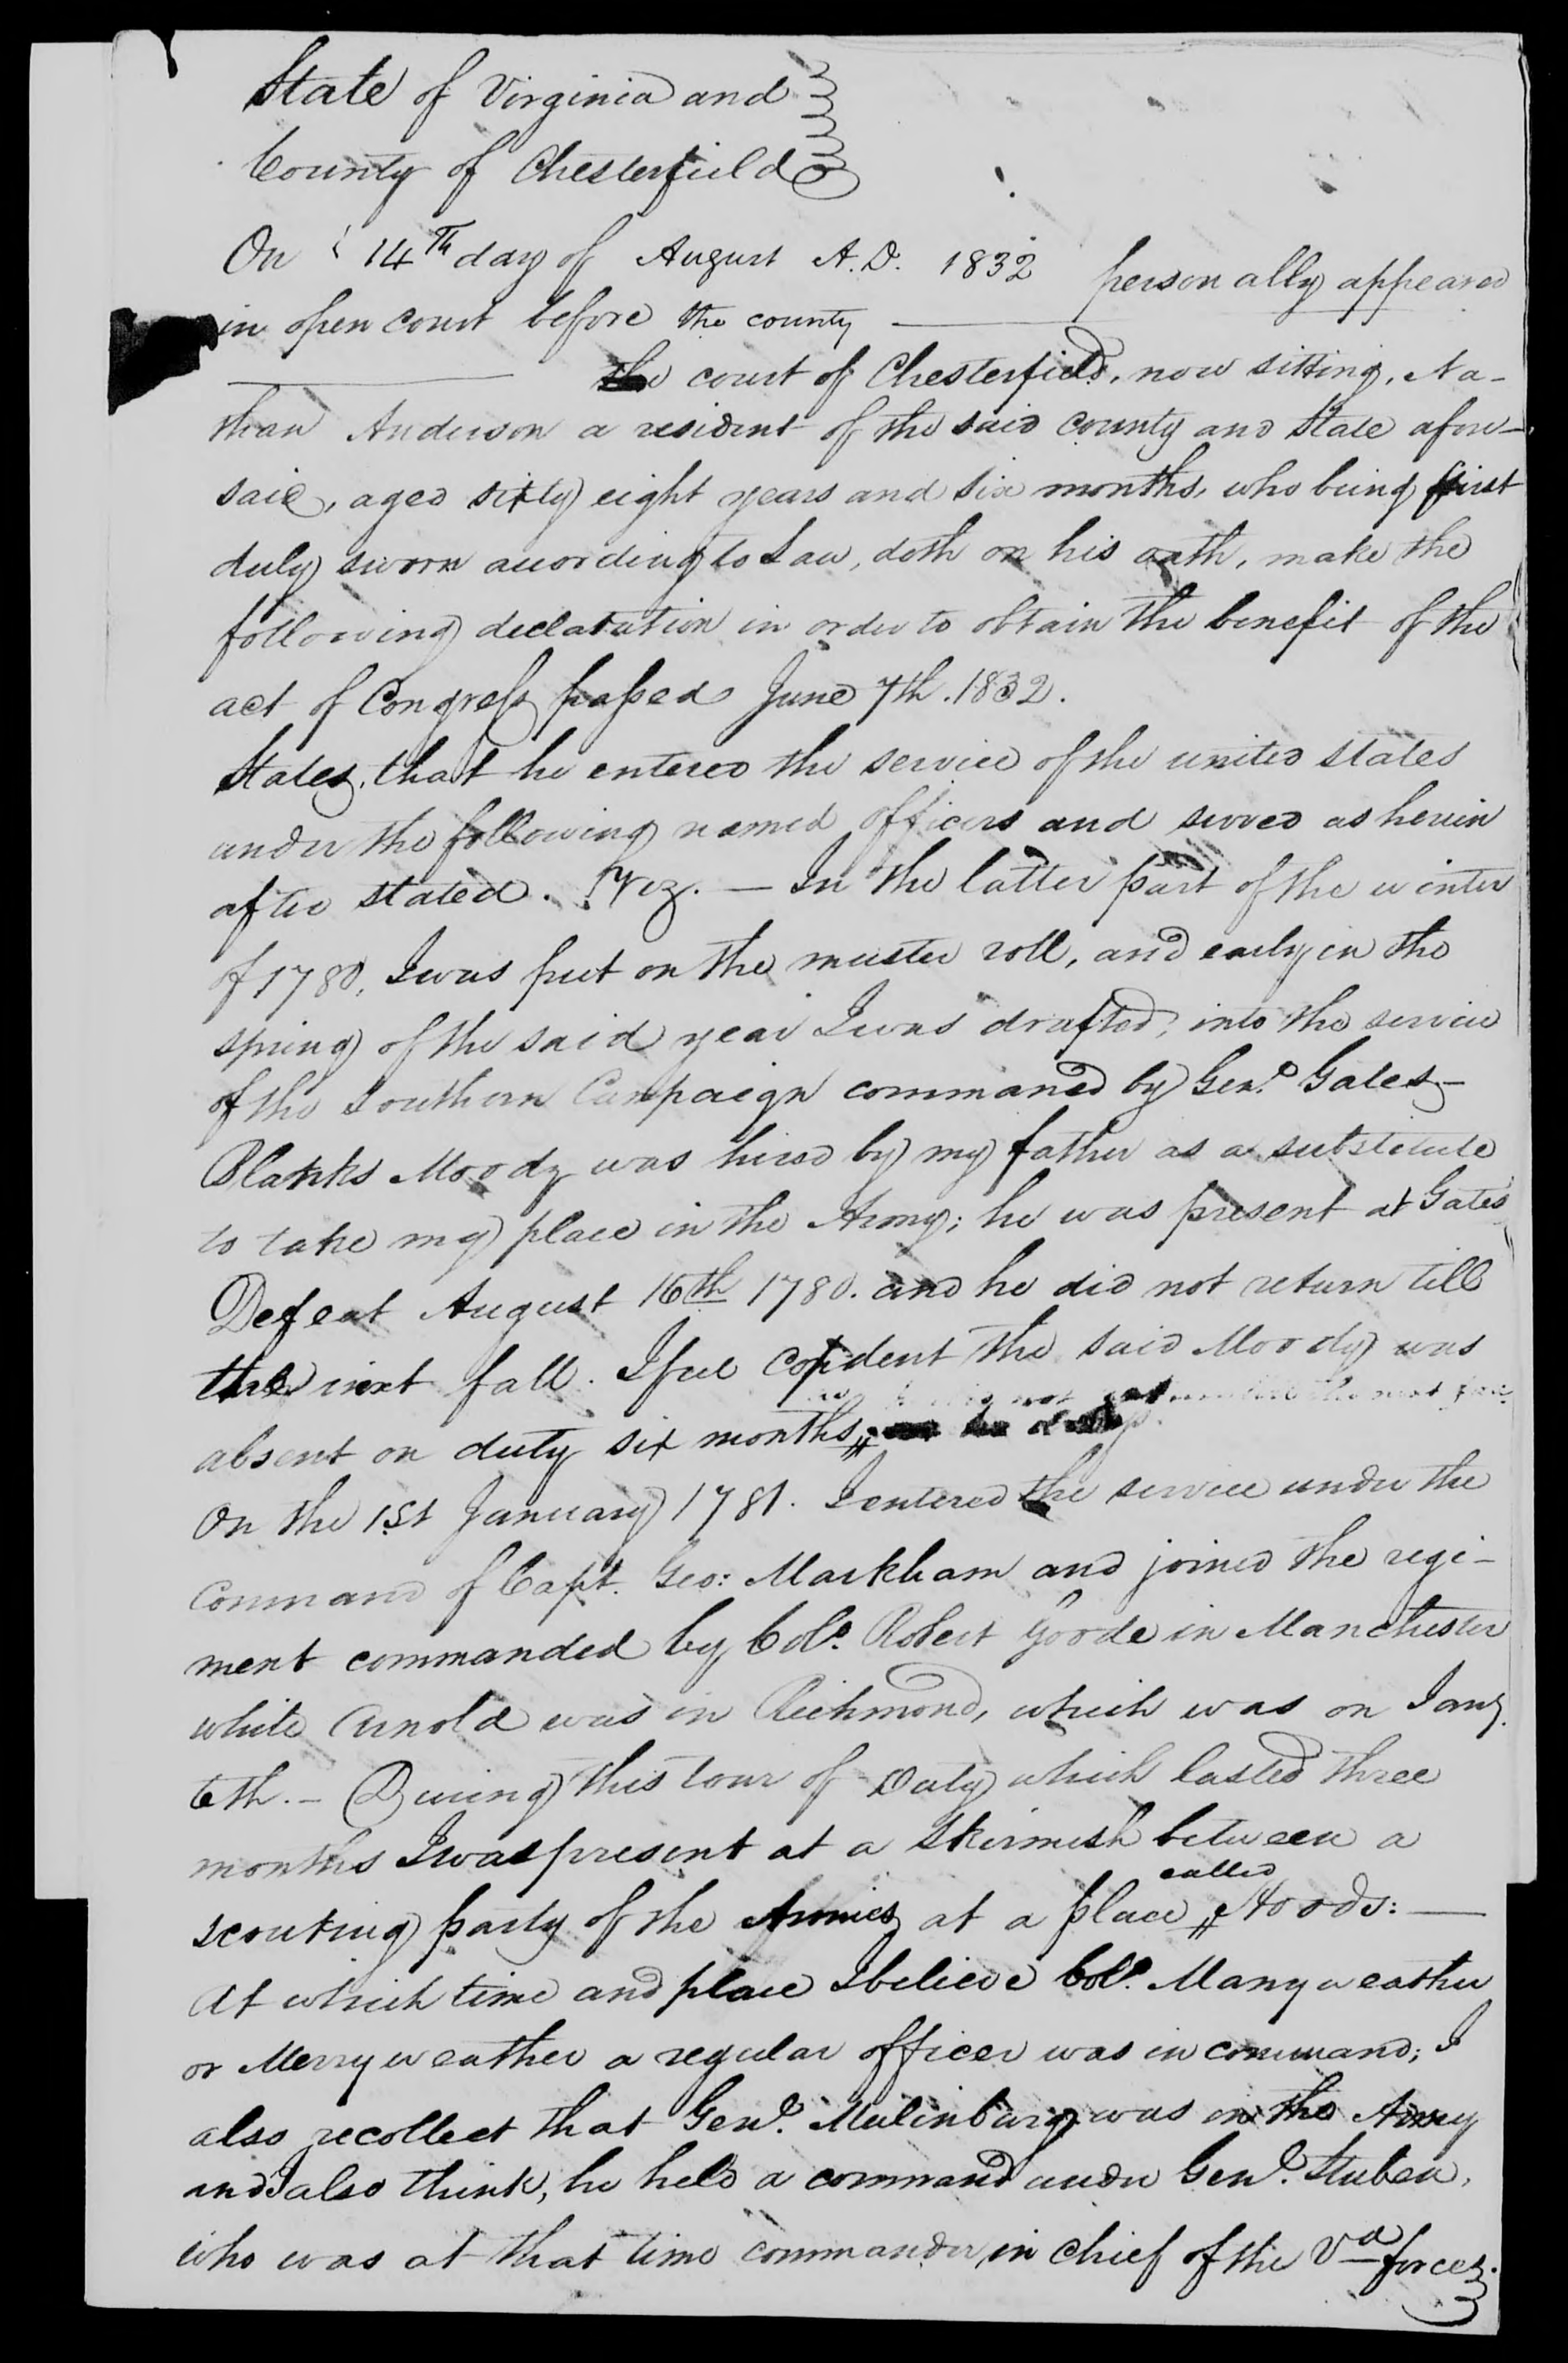State of Virginia and
County of Chesterfield
On 14th day of August A.D. 1832
personally appeared in open court before the County ————— [crossed out: the] Court of Chesterfield, now sitting, Nathan Anderson a resident of the said County and State aforesaid, aged sixty eight years and six months, who being first duly sworn according to Law, doth on his oath, make the following declaration in order to obtain the benefit of the act of Congress passed June 7th 1832.
States that he entered the service of the United States under the following named officers and served as herein after stated Viz. — In the latter part of the winter of 1780, I was put on the muster roll, and early in the spring of the said year I was drafted into the service of the Southern Campaign commanded by Genl Gates._  Blanks Moody was hired by my father as a substitute to take my place in the Army; he was present at Gates Defeat August 16th 1780, and he did not return till the next fall. I feel confident the said Moody was absent on duty six months. as to this not certain but the next fall he  [illegible] 
On the 1st January 1781. I entered the service under the command of Capt. Geo. Markham and joined the regiment commanded by Col Robert Goode in Manchester while Arnold was in Richmond, which was on Jany 6th._  During this tour of Duty which lasted three months I was present at a skirmish between a scouting party of the Armies at a place called Hoods:_  At which time and place I believe Colo. Maryweather or Merryweather a regular officer was in command; I also recollect that Genl Mulenburg [Muhlenberg] was in the Army and also think, he held a command under Genl Stuben [Steuben], who was at that time commander in chief of the Va forces.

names: Geo Markham, White Arnold, Gates Blanks Moody, Nathan Anderson, Stuben, Mulenburg, Robert Goode, Hoods, Marryweather, Merryweather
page: 4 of 43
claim: widow's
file: W. 5,626, Nathan Anderson, Va.